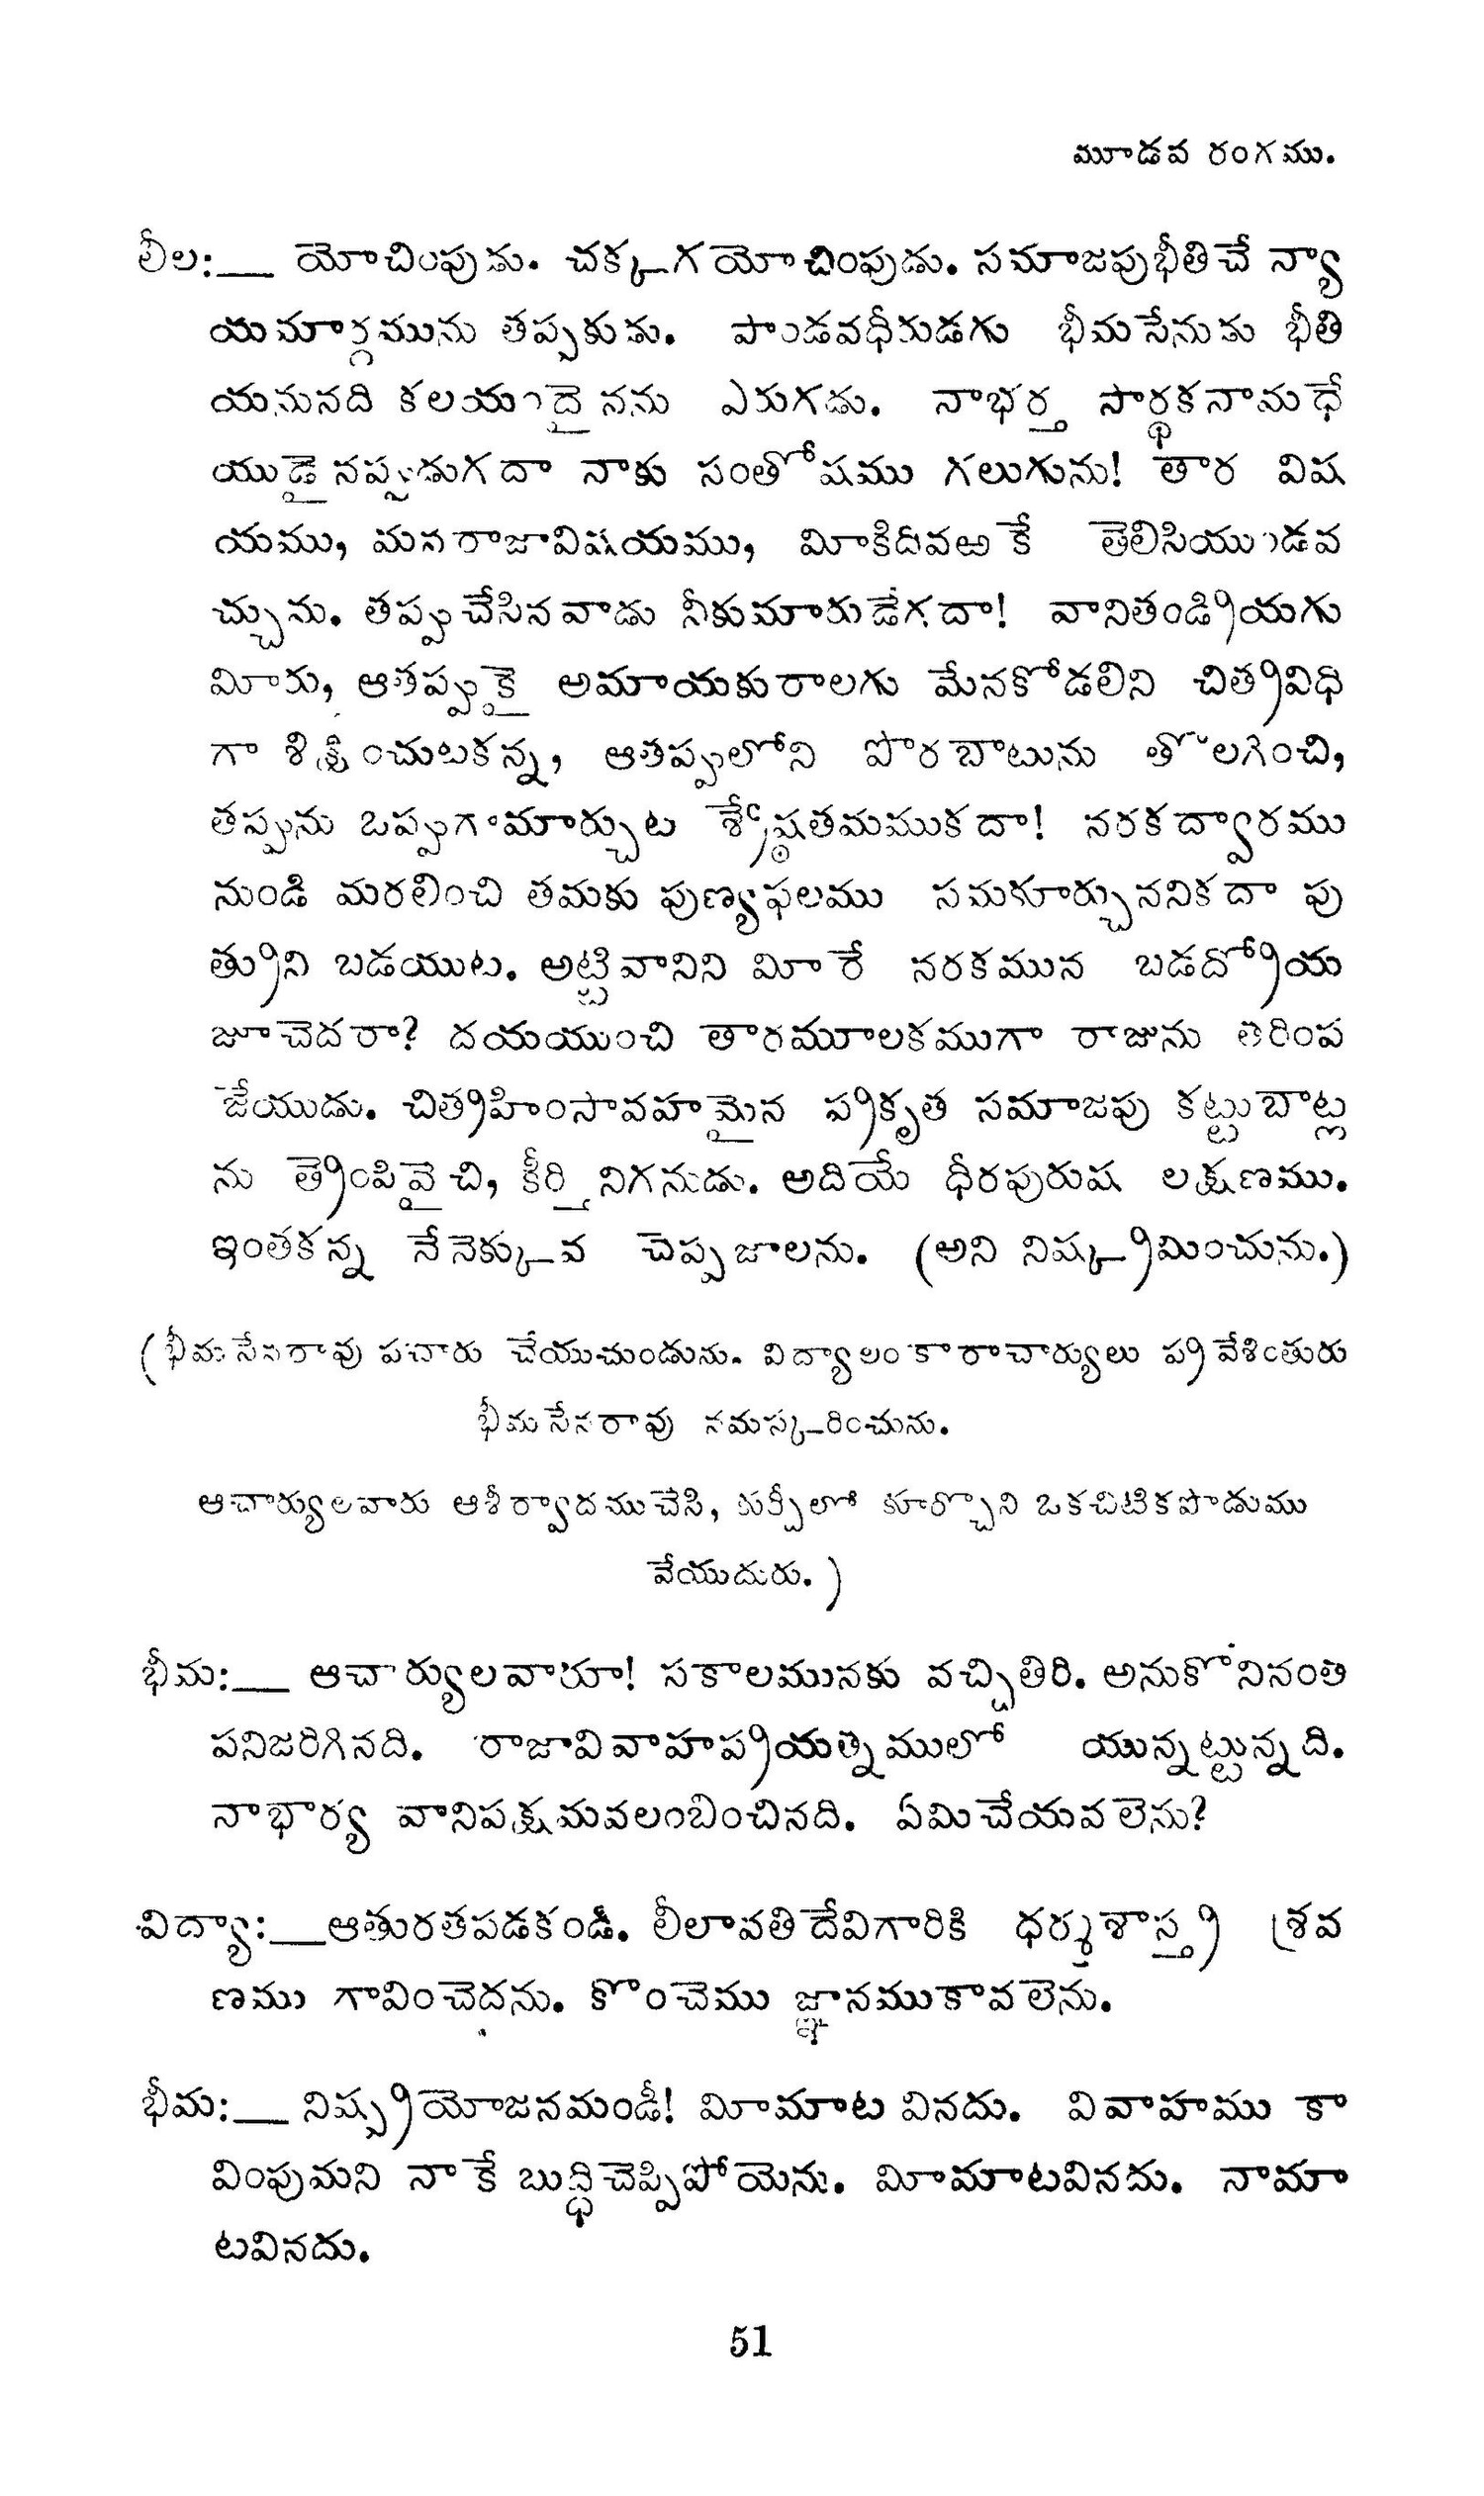లీల:-యోచింపుడు. చక్కగా యోచింపుడు. సమాజపుభీతిచే న్యాయమార్గమును తప్పకుడు. పాండవ ధీరుడగు భీమసేనుడు భీతియనునది కలయందైనను ఎరుగడు. నాభర్త సార్ధకనామ ధేయుడైనప్పుడుగదా నాకు సంతొషము గలుగును! తారవిషయము, మన రాజావిషయము, మీకిది వఱకే తెలిసి యుండవచ్చును. తప్పుచేసినవాడు నీకుమారుడేగదా! వానితండ్రియగు మీరు, ఆతప్పుకై అమాయకురాలగు మేనకోడలిని చిత్రవిధిగా శిక్షించుటకన్న, అది తప్పులోని పొరపాటును తొలగించి, తప్పును ఒప్పుగా మార్చుట శ్రేస్టతమము గదా! నరకద్వారము నుండి మరలించి తమకు పుణ్యఫలము సమకూర్చుననికదా పుత్రునిబడయుట, అట్టివానిని మీరే నరకమున బడద్రోయ జూచెదరా? దయయుంచి తార మూలకముగా రాజును తరింపజేయుడు. చిత్రహింసాసహనమైన ప్రకృతి సమాజపు కట్టుబాట్లను త్రెంపివైచి, కీర్తినిగనుడు. అదియే ధీరపురుష లక్షణము . ఇంతకన్న నేనెక్కువ చెప్పజాలను. (అని నిష్క్రమించును)

భీమ:-ఆచార్యులవారూ! సకాలమునకు వచ్చితిరి. అనుకొనినంత పనిజరిగినది. రాజా వివాహప్రయత్నములో యున్నట్టున్నది. నాబార్య వానిపక్షమవలంచించినది. ఏమిచేయవలెను? 

విద్యా:- ఆతురపడకండి. లీలావతిదేవి గారికి ధర్మశాస్త్ర శ్రవణము గాచించెదను. కొంచెము జ్ఞానము కావలెను. 

భీమ:-నిష్ప్రయోజనమండీ! మీమాటవినను. వివాహము కావింపుమని నాకే బుద్ధిచెప్పి పోయెను. మీమాటవినదు. నామాటవినదు.